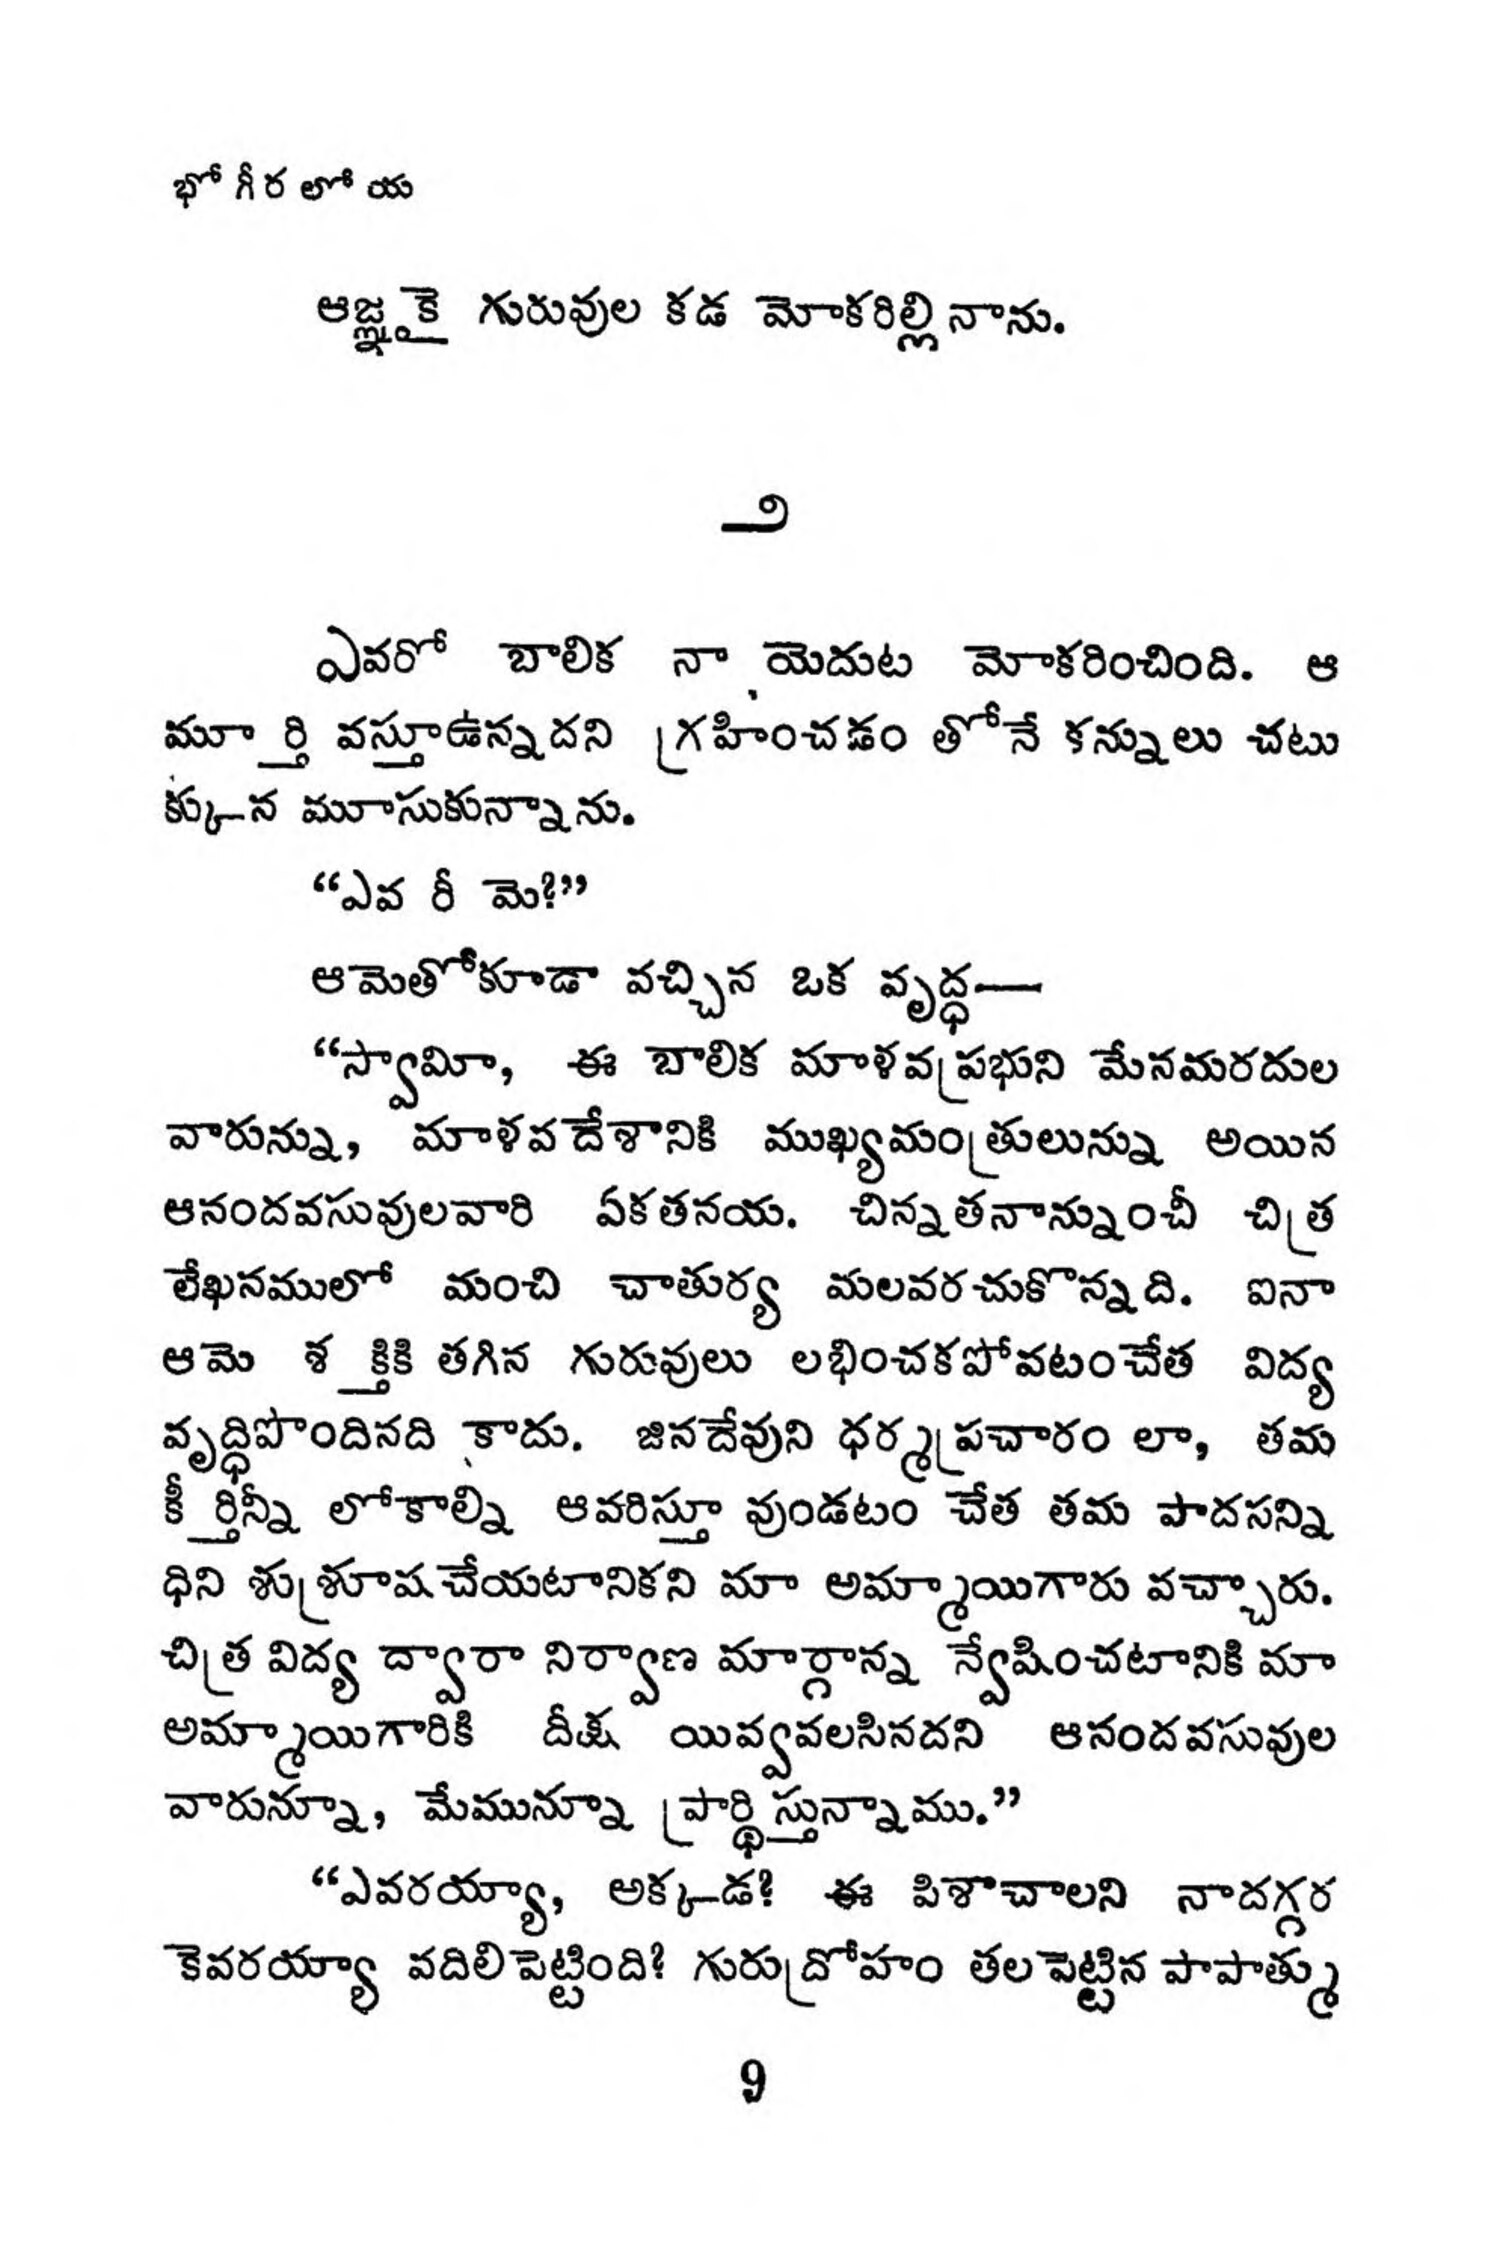ఆజ్ఞ కై గురువుల కడ మోకరిల్లి నాను.
2

ఎవరో బాలిక నా యెదుట మోకరించింది. ఆ మూర్తి వస్తూఉన్నదని గ్రహించడం తోనే కన్నులు చటుక్కున మూసుకున్నాను.

“ఎవ రీ మె?”

ఆమెతోకూడా వచ్చిన ఒక వృద్ధ -

“స్వామీ, ఈ బాలిక మాళవప్రభుని మేనమరదుల వారున్ను, మాళవదేశానికి ముఖ్యమంత్రులున్ను అయిన ఆనందవసువులవారి ఏకతనయ. చిన్నతనాన్నుంచీ చిత్ర లేఖనములో మంచి చాతుర్య మలవరచుకొన్నది. ఐనా ఆమె శక్తికి తగిన గురువులు లభించకపోవటంచేత విద్య వృద్ధిపొందినది కాదు. జినదేవుని ధర్మప్రచారం లా, తమ కీర్తిన్నీ లోకాల్ని ఆవరిస్తూ వుండటం చేత తమ పాదసన్నిధిని శుశ్రూషచేయటానికని మా అమ్మాయిగారు వచ్చారు. చిత్ర విద్య ద్వారా నిర్వాణ మార్గాన్న న్వేషించటానికి మా అమ్మాయిగారికి దీక్ష యివ్వవలసినదని ఆనందవసువుల వారున్నా, మేమున్నూ ప్రార్థిస్తున్నాము.”

“ఎవరయ్యా, అక్కడ? ఈ పిశాచాలని నాదగ్గర కెవరయ్యా వదిలిపెట్టింది? గురుద్రోహం తలపెట్టిన పాపాత్ము